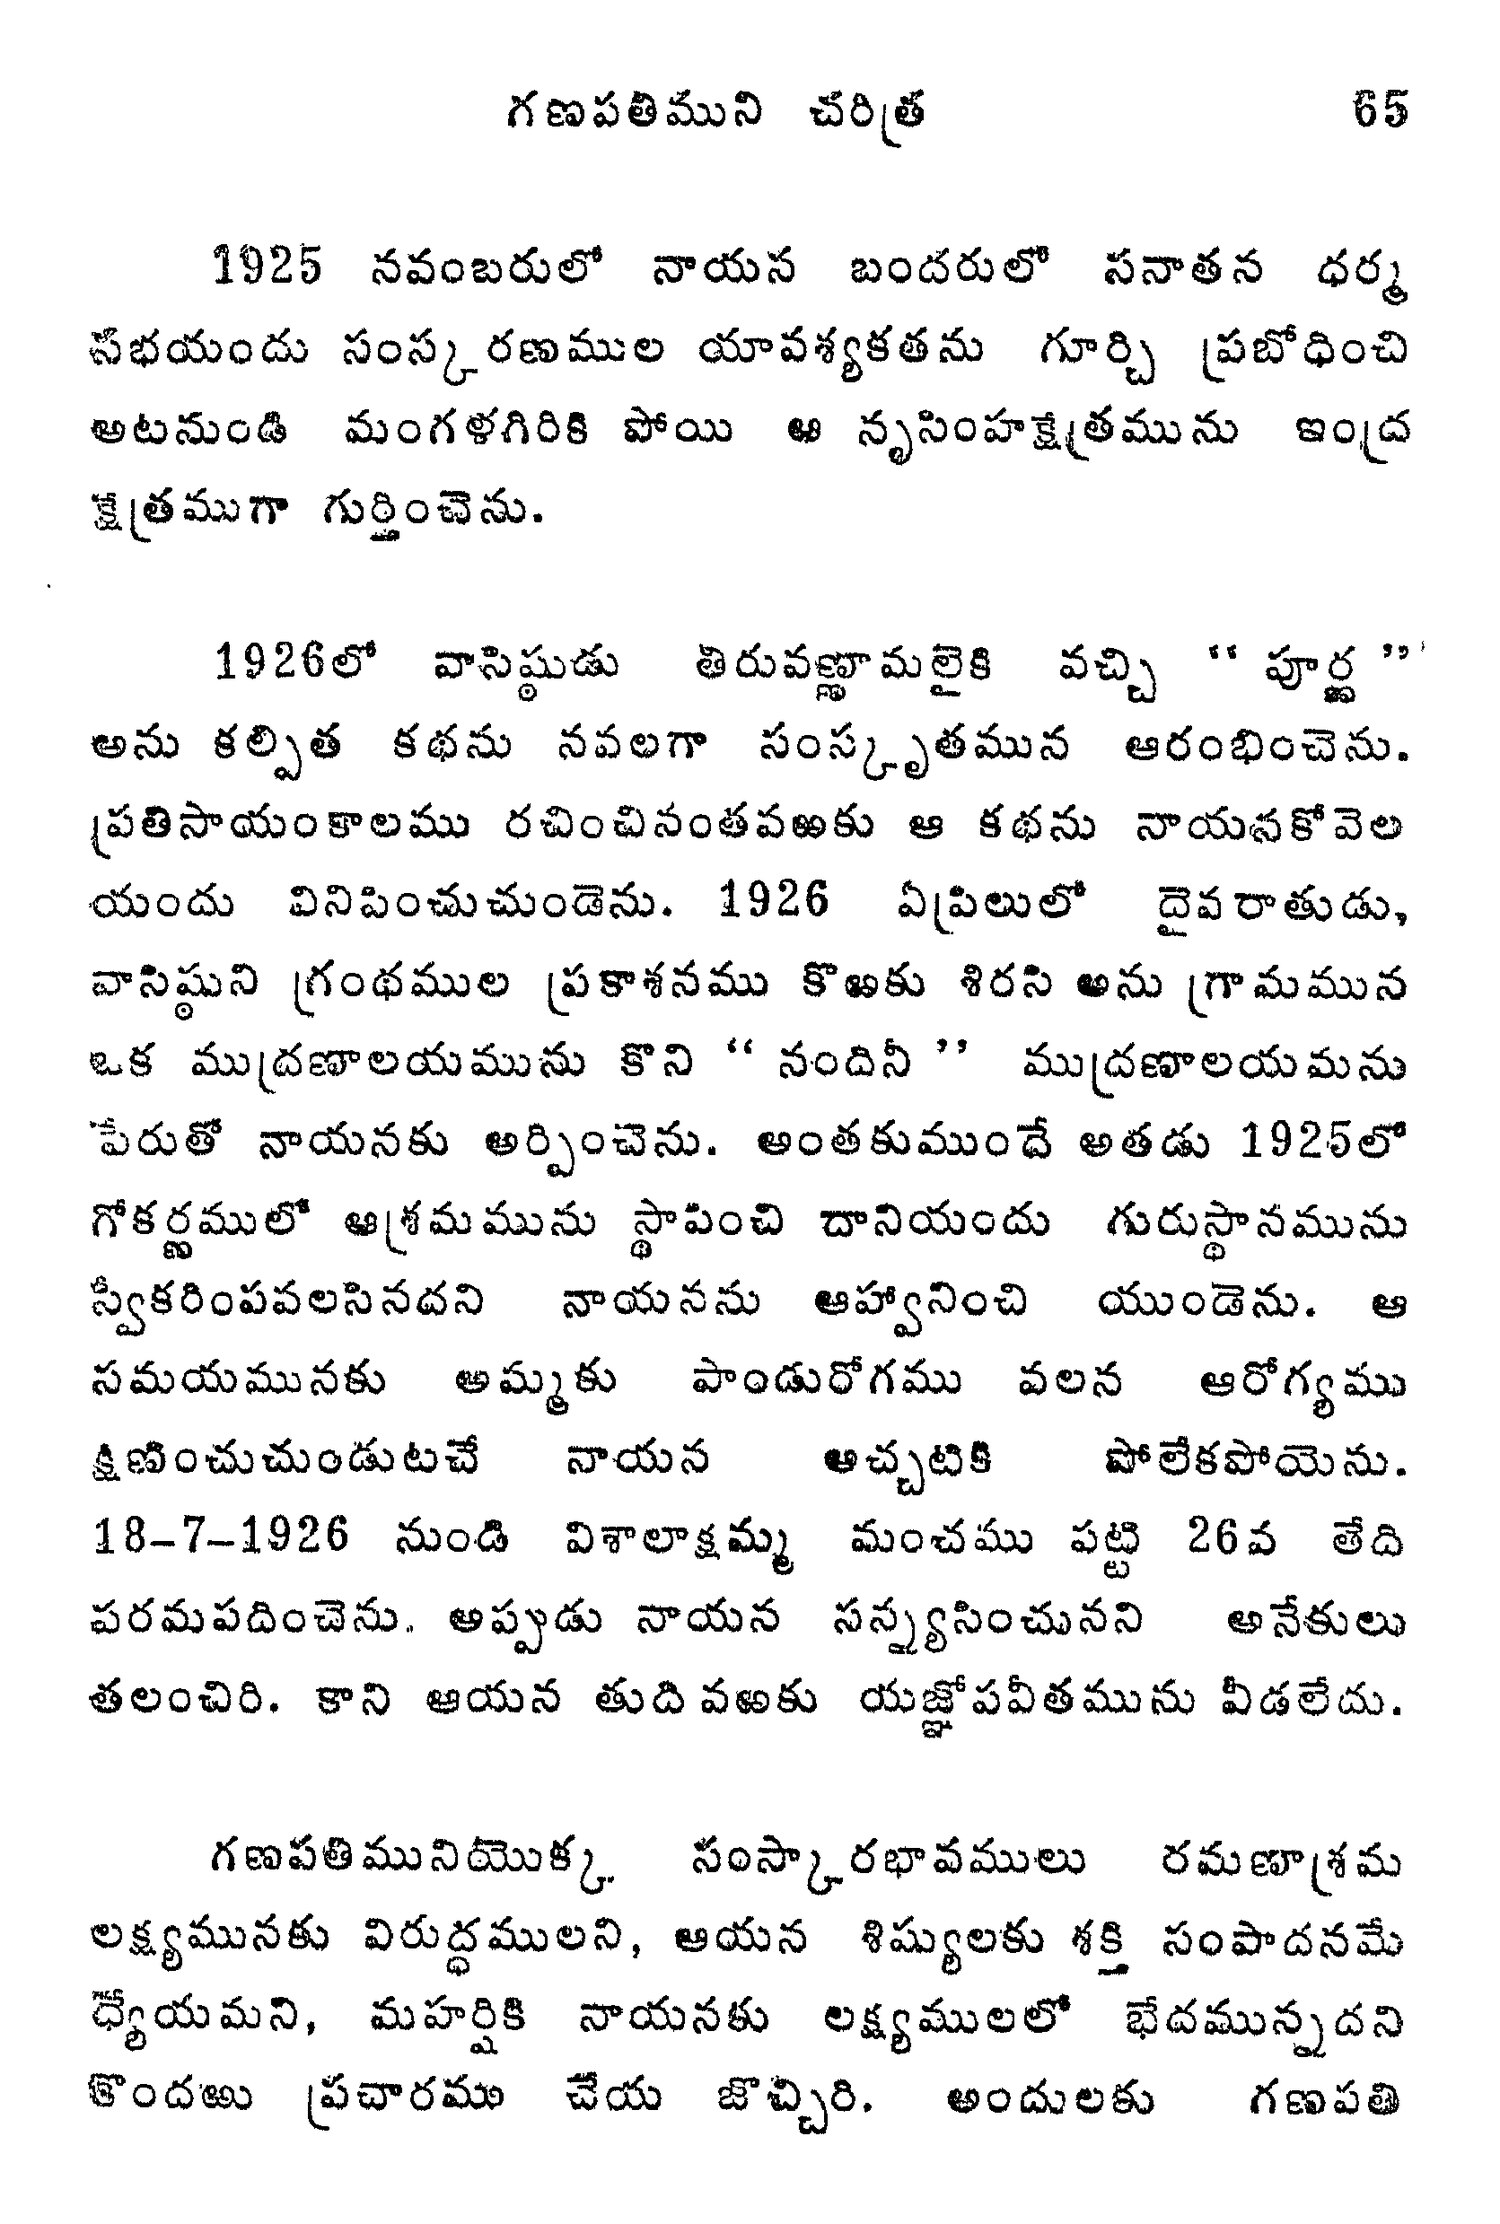1925 నవంబరులో నాయన బందరులో సనాతన ధర్మ సభయందు సంస్కరణముల యావశ్యకతను గూర్చి ప్రబోధించి అటనుండి మంగళగిరికి పోయి ఆ నృసింహక్షేత్రమును ఇంద్ర క్షేత్రముగా గుర్తించెను. 

1926లో వాసిష్ఠుడు తిరువణ్ణామలైకి వచ్చి "పూర్ణ" అను కల్పిత కథను నవలగా సంస్కృతమున ఆరంభించెను. ప్రతి సాయంకాలము రచించినంతవఱకు ఆ కథను నాయనకోవెల యందు వినిపించుచుండెను. 1926 ఏప్రిలులో దైవరాతుడు, వాసిష్ఠుని గ్రంథముల ప్రకాశనము కొఱకు శిరసి అను గ్రామమున ఒక ముద్రణాలయమును కొని "నందినీ" ముద్రణాలయ మను పేరుతో నాయనకు అర్పించెను. అంతకుముందే అతడు 1925లో గోకర్ణములో ఆశ్రమమును స్థాపించి దానియందు గురుస్థానమును స్వీకరింపవలసినదని నాయనను ఆహ్వానించి యుండెను. ఆ సమయమునకు అమ్మకు పాండురోగము వలన ఆరోగ్యము క్షీణించుచుండుటచే నాయన అచ్చటికి పోలేకపోయెను. 18-7-1926 నుండి విశాలాక్షమ్మ మంచము పట్టి 26 వ తేది పరమపదించెను. అప్పుడు నాయన సన్న్యసించునని అనేకులు తలంచిరి. కాని ఆయన తుది వఱకు యజ్ఞోపవీతమును వీడలేదు.

గణపతిమునియొక్క సంస్కారభావములు రమణాశ్రమ లక్ష్యమునకు విరుద్దములని, ఆయన శిష్యులకు శక్తి సంపాదనమే ధ్యేయమని, మహర్షికి నాయనకు లక్ష్యములలో భేదమున్నదని కొందఱు ప్రచారము చేయ జొచ్చిరి. అందులకు గణపతి